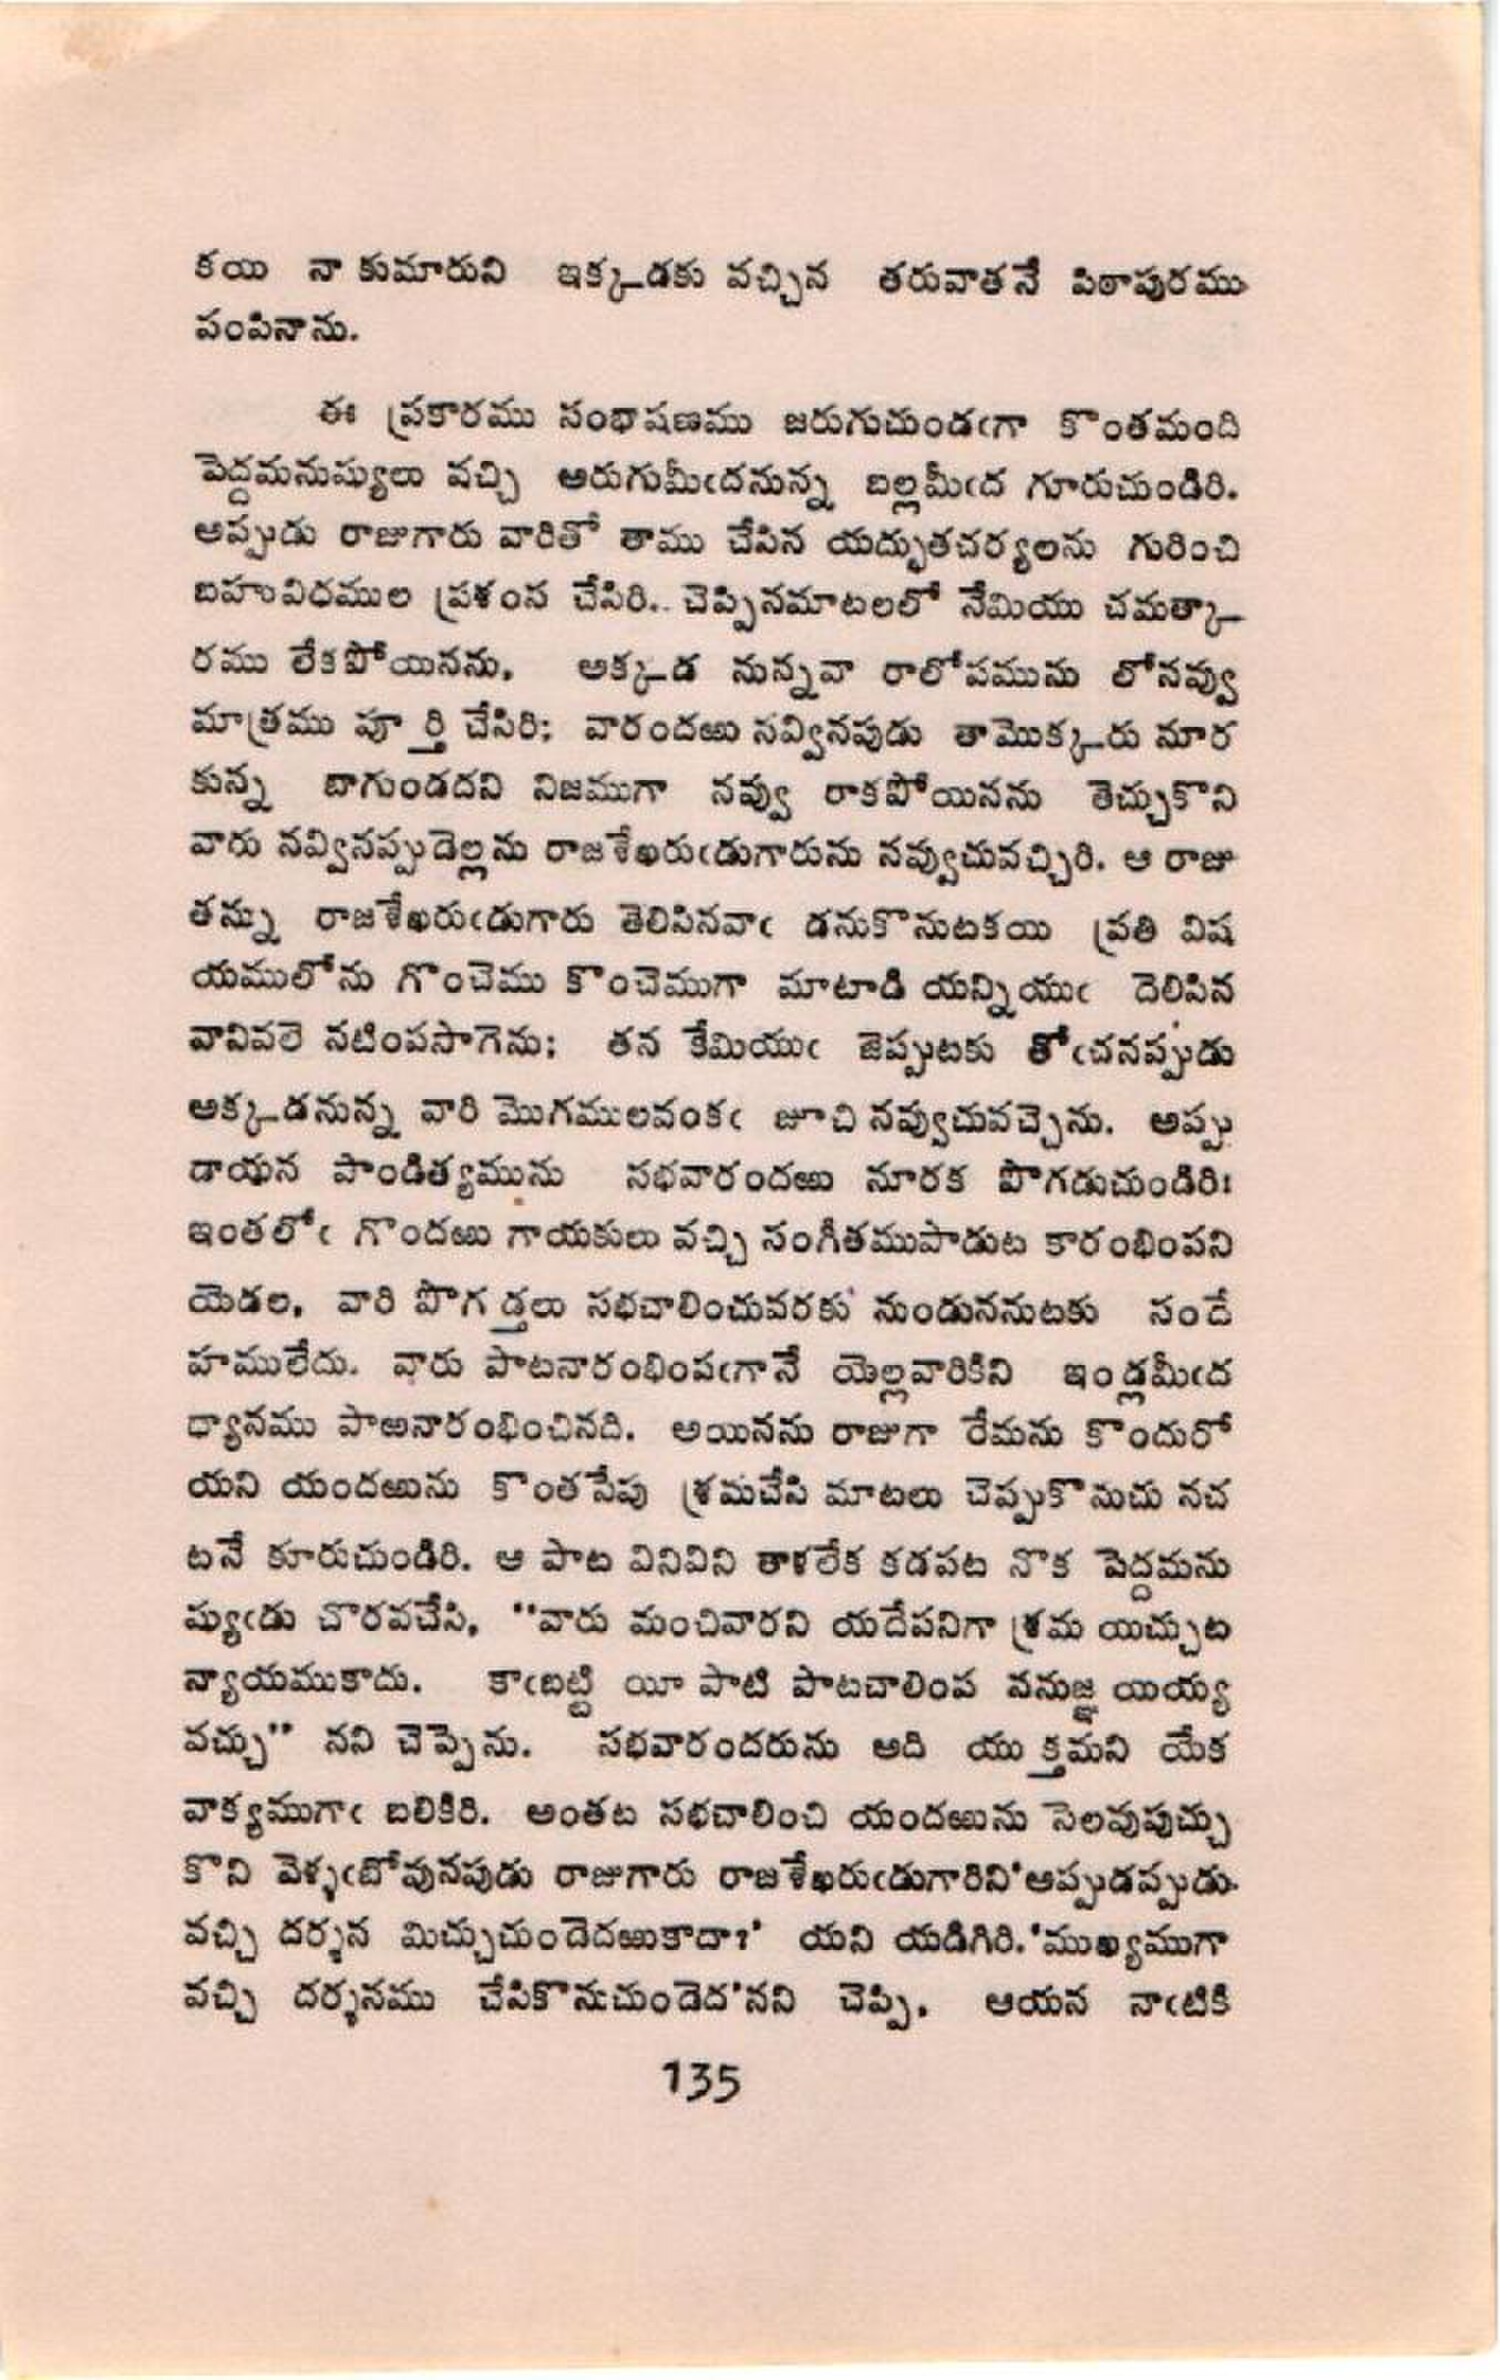కయి నా కుమారుని ఇక్కడకు వచ్చిన తరువాతనే పిఠాపురము పంపినాను.

ఈ ప్రకారము సంభాషణము జరుగుచుండఁగా కొంతమంది పెద్దమనుష్యులు వచ్చి అరుగుమీఁదనున్న బల్లమీఁద గూరుచుండిరి. అప్పుడు రాజుగారు వారితో తాము చేసిన యద్భుతచర్యలను గురించి బహువిధముల ప్రశంస చేసిరి. చెప్పినమాటలలో నేమియు చమత్కారము లేకపోయినను, అక్కడ నున్నవా రాలోపమును లోనవ్వు మాత్రము పూర్తి చేసిరి; వారందఱు నవ్వినపుడు తామొక్కరు నూర కున్న బాగుండదని నిజముగా నవ్వు రాకపోయినను తెచ్చుకొని వారు నవ్వినప్పుడెల్లను రాజశేఖరుఁడుగారును నవ్వుచువచ్చిరి. ఆ రాజు తన్ను రాజశేఖరుఁడుగారు తెలిసినవాఁ డనుకొనుటకయి ప్రతి విష యములోను గొంచెము కొంచెముగా మాటాడి యన్నియుఁ దెలిసిన వానివలె నటింపసాగెను; తన కేమియుఁ జెప్పుటకు తోఁచనప్పుడు అక్కడనున్న వారి మొగములవంకఁ జూచి నవ్వుచువచ్చెను. అప్పుడాయన పాండిత్యమును సభవారందఱు నూరక పొగడుచుండిరి. ఇంతలో గొందఱు గాయకులు వచ్చి సంగీతముపాడుట కారంభింపని యెడల, వారి పొగడ్తలు సభచాలించువరకు నుండుననుటకు సందే హములేదు. వారు పాటనారంభింపఁగానే యెల్లవారికిని ఇండ్లమీఁద ధ్యానము పాఱనారంభించినది. అయినను రాజుగా రేమను కొందురో యని యందఱును కొంతసేపు శ్రమచేసి మాటలు చెప్పుకొనుచు నచ టనే కూరుచుండిరి. ఆ పాట వినివిని తాళలేక కడపట నొక పెద్దమను ష్యుడు చొరవచేసి, "వారు మంచివారని యదేపనిగా శ్రమ యిచ్చుట న్యాయముకాదు. కాబట్టి యీ పాటి పాటచాలింప ననుజ్ఞ యియ్య వచ్చు" నని చెప్పెను. సభవారందరును అది యుక్తమని యేక వాక్యముగాఁ బలికిరి, అంతట సభచాలించి యందఱును సెలవుపుచ్చు కొని వెళ్ళఁబోవునపుడు రాజుగారు రాజశేఖరుఁడుగారిని'అప్పడప్పుడు వచ్చి దర్శన మిచ్చుచుండెదఱుకాదా?" యని యడిగిరి,"ముఖ్యముగా వచ్చి దర్శనము చేసికొనుచుండెద"నని చెప్పి, ఆయన నాఁటికి